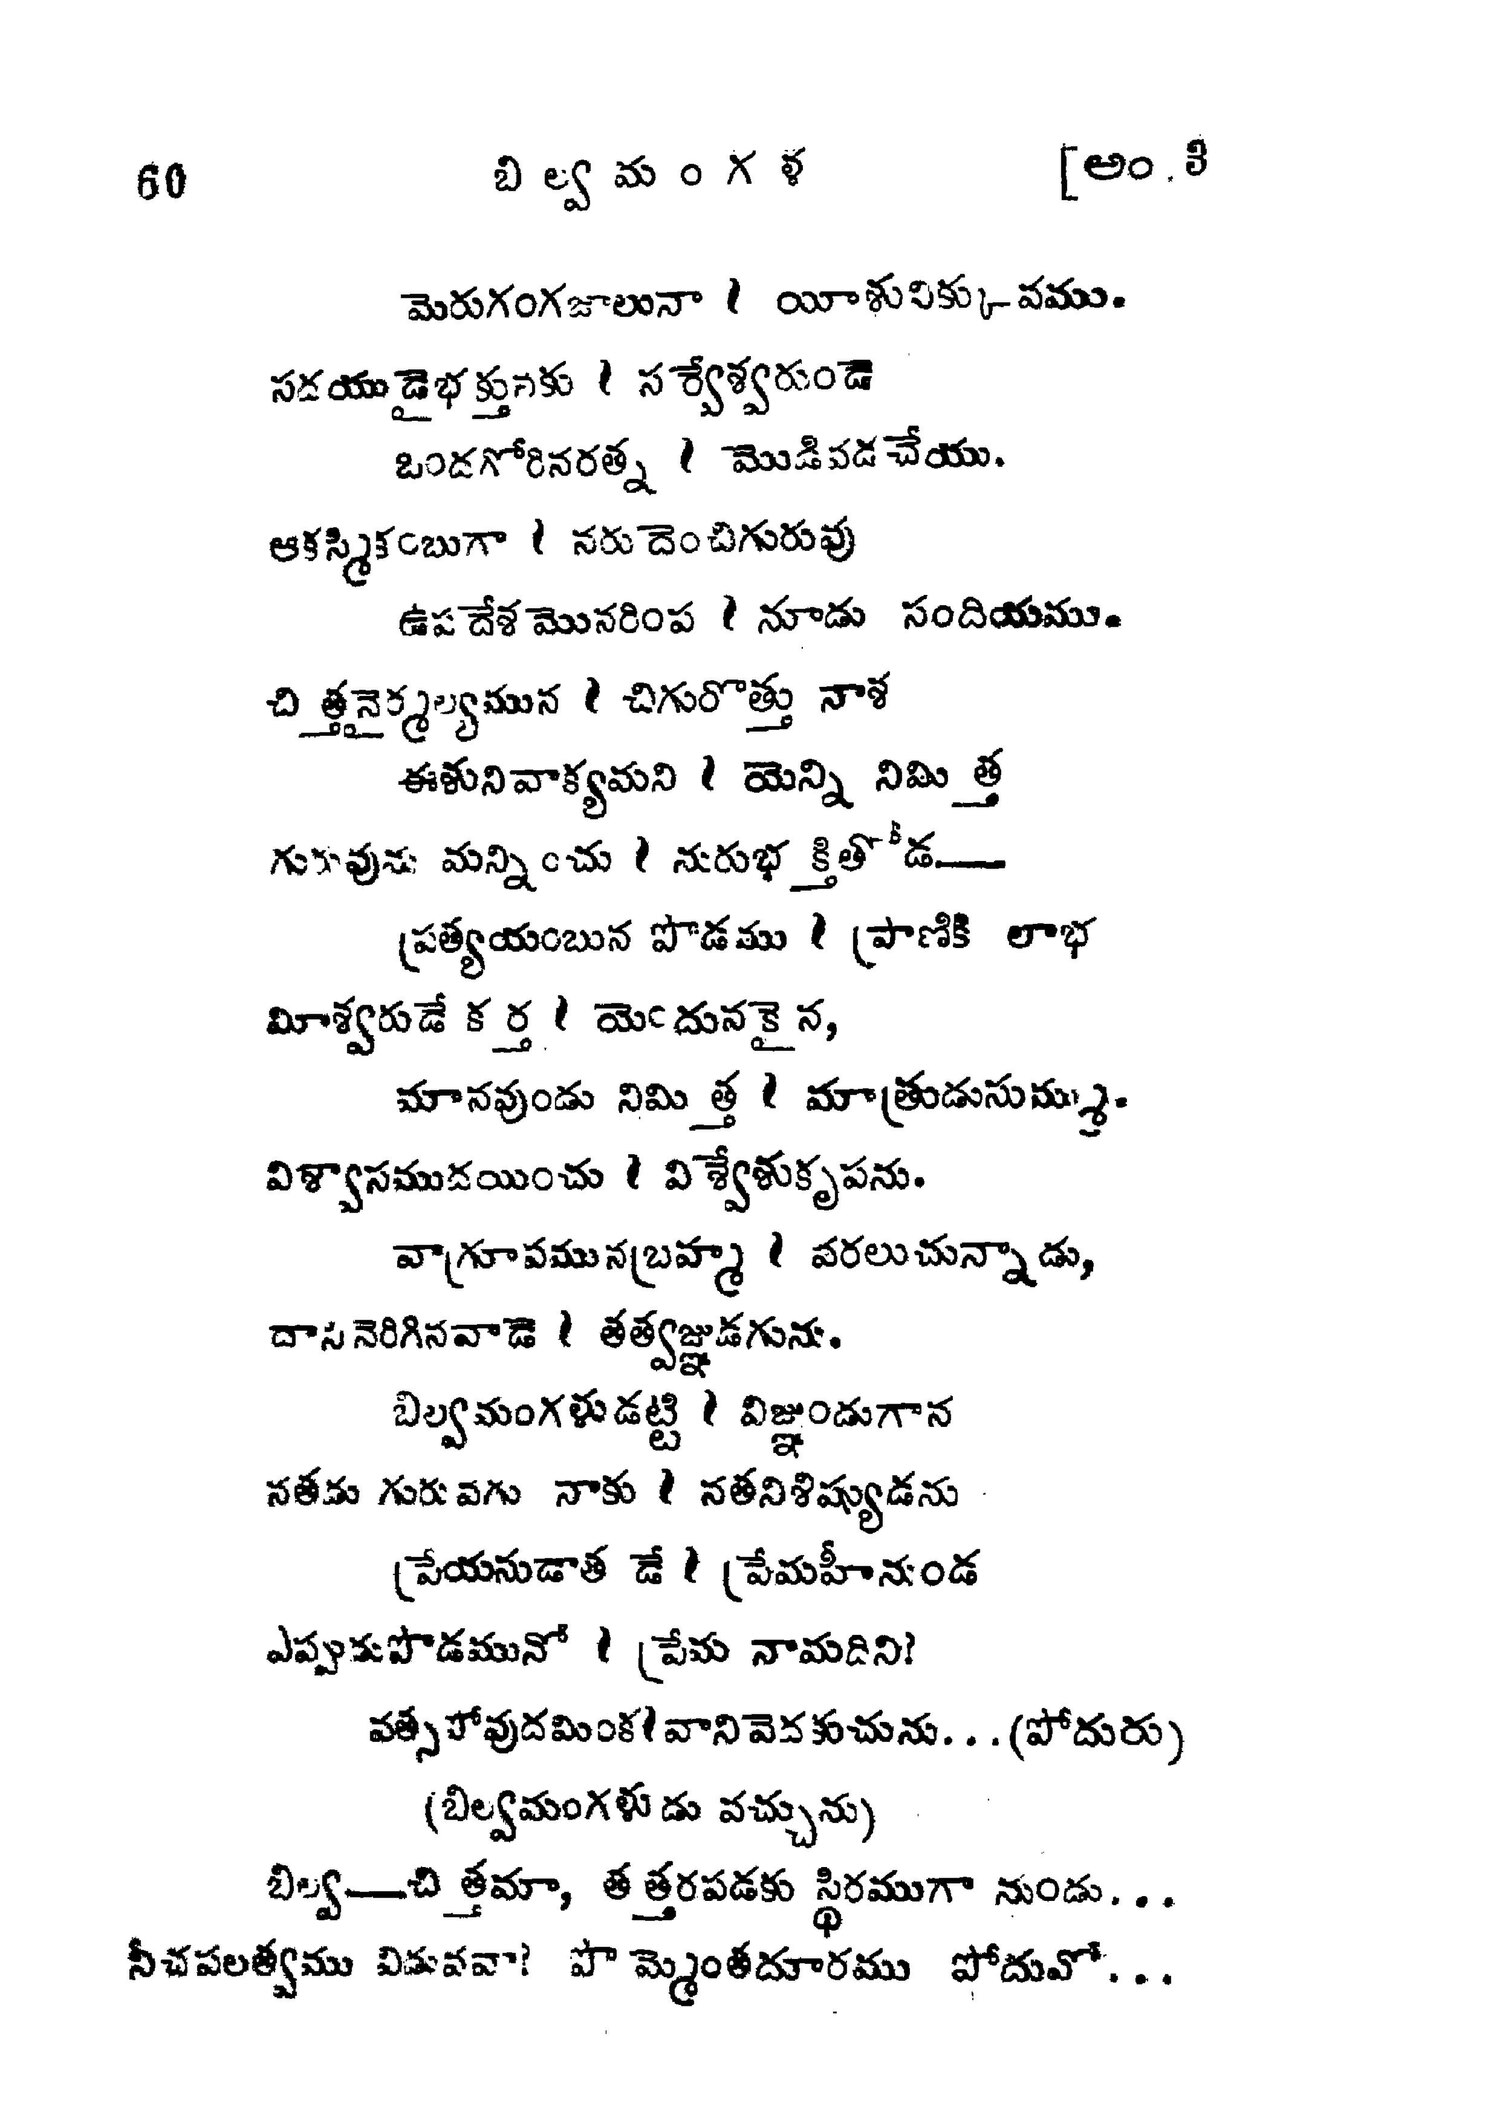మెరుగంగజాలునా ♦ యీశునిక్కువము.
 సదయుడైభక్తునకు ♦ సర్వేశ్వరుండె
 ఒందగోరినరత్న ♦ మొడివడచేయు.
 ఆకస్మికంబుగా ♦ నరుదెంచిగురువు
 ఉపదేశమొనరింప ♦ సూడు సందియము.
 చిత్తనైర్మల్యమున ♦ చిగురొత్తు నాశ
 ఈశునివాక్యమని ♦ యెన్ని నిమిత్త
 గురువును మన్నించు ♦ సురుభక్తితోడ-
 ప్రత్యయంబున పొడము ♦ ప్రాణికి లాభ
 మీశ్వరుడే కర్త ♦ యెందునకైన,
 మానవుండు నిమిత్త ♦ మాత్రుడుసుమ్ము.
 విశ్వాసముదయించు ♦ విశ్వేశుకృపను.
 వాగ్రూపమునబ్రహ్మ ♦ పరలుచున్నాడు,
 దానినెరిగినవాడె ♦ తత్వజ్ఞుడగును.
 బిల్వమంగళుడట్టి ♦ విజ్ఞుండుగాన
 నతడు గురువగు నాకు ♦ నతనిశిష్యుడను
 ప్రేయసుడాత డే ♦ ప్రేమహీనుండ
 ఎప్పుడుపొడమునో ♦ ప్రేమ నామదిని?
 వత్సపోవుదమింక ♦ వానివెదకుచును...(పోదురు)

బిల్వ - చిత్తమా, తత్తరపడకు స్థిరముగా నుండు.. నీచపలత్వము విడువవా? పొమ్మెంతదూరము పోదువో...